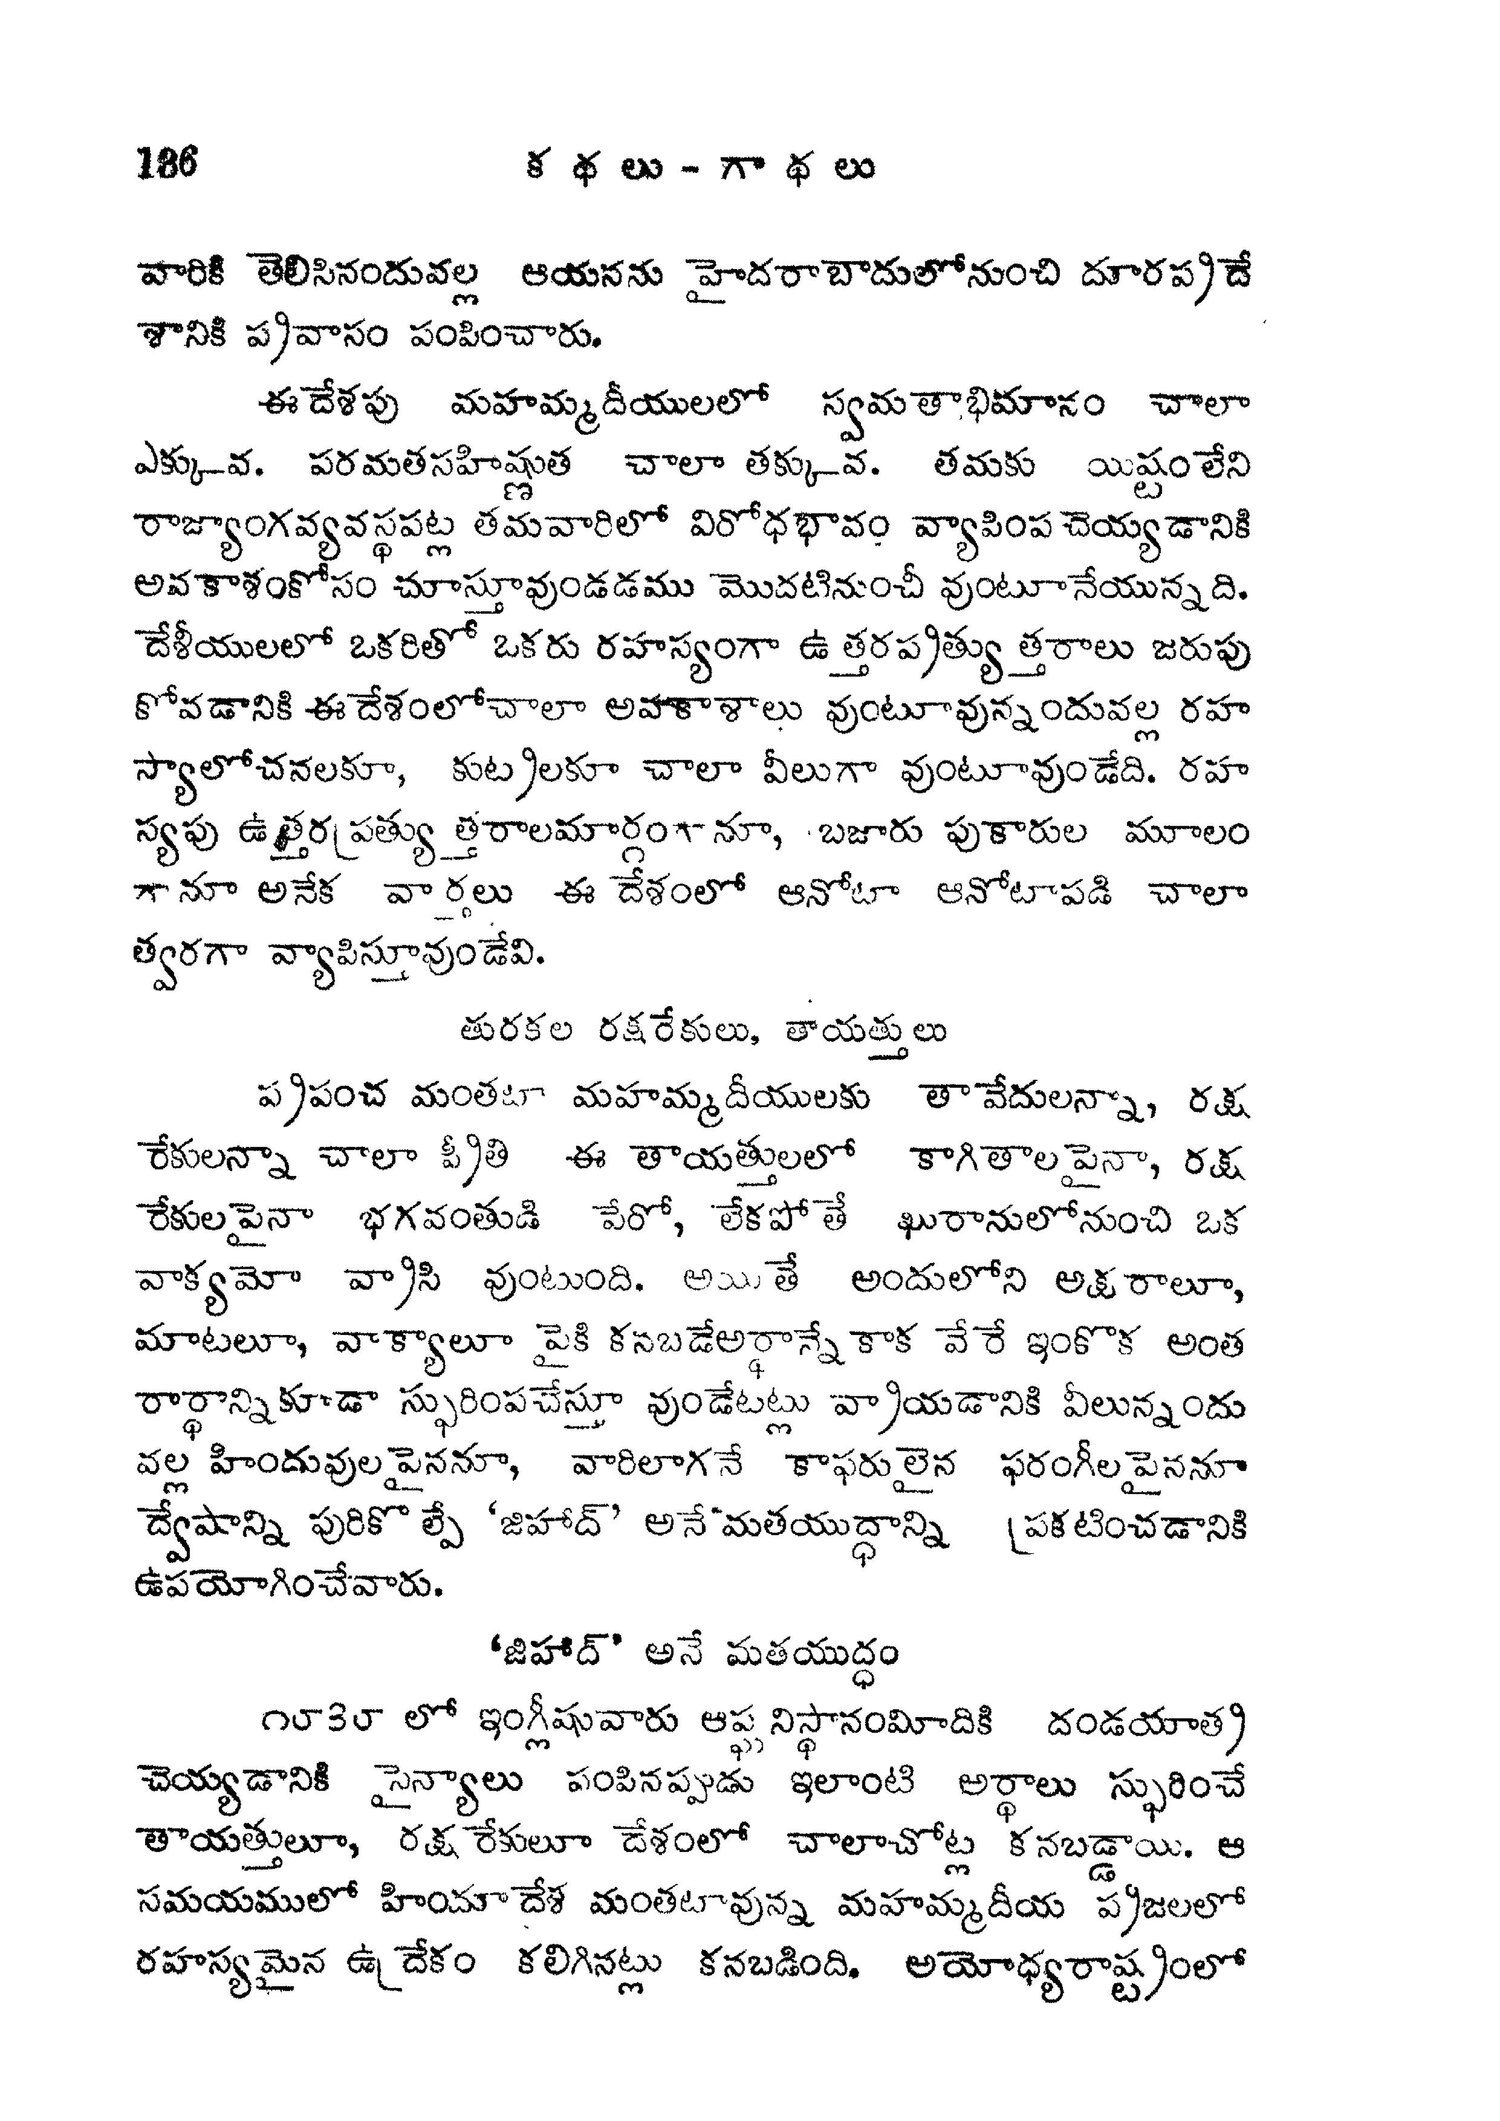వారికి తెలిసినందువల్ల ఆయనను హైదరాబాదులోనుంచి దూరప్రదేశానికి ప్రవాసం పంపించారు.

ఈదేశపు మహమ్మదీయులలో స్వమతాభిమానం చాలా ఎక్కువ. పరమతసహిష్ణుత చాలా తక్కువ. తమకు యిష్టంలేని రాజ్యాంగ వ్యవస్థపట్ల తమవారిలో విరోధభావం వ్యాపింపచెయ్యడానికి అవకాశంకోసం చూస్తూవుండడము మొదటినుంచీ వుంటూనేయున్నది. దేశీయులలో ఒకరితో ఒకరు రహస్యంగా ఉత్తరప్రత్యుత్తరాలు జరుపుకోవడానికి ఈదేశంలోచాలా అవకాశాలు వుంటూవున్నందువల్ల రహస్యాలోచనలకూ, కుట్రలకూ చాలా వీలుగా వుంటూవుండేది. రహస్యపు ఉత్తరప్రత్యుత్తరాలమార్గంగానూ, బజారు పుకారుల మూలంగానూ అనేక వార్తలు ఈదేశంలో ఆనోటా ఆనొటాపడి చాలా త్వరగా వ్యాపిస్తూవుండేవి.
 

ప్రపంచ మంతా మహమ్మదీయులకు తావేదులన్నా, రక్షరేకులన్నా చాలా ప్రీతి. ఈ తాయత్తులలో కాగితాలపైనా, రక్షరేకులపైనా భగవంతుడి పేరో, లేకపోతే ఖురానులోనుంచి ఒక వాక్యమో వ్రాసి వుంటుంది. అయితే అందులోని అక్షరాలూ, మాటలూ, వాక్యాలూ, పైకి కనబడేఅర్ధాన్నేకాక వేరే ఇంకొక అంతరార్ధాన్నికూడా స్ఫురింపచేస్తూ వుండేటట్లు వ్రాయడానికి వీలున్నందువల్ల హిందువులపైననూ,వారిలాగనే కాఫరులైన ఫరంగీలపైననూ ద్వేషాన్ని పురిగొల్పే 'జిహాద్ ' అనే మతయుద్ధాన్ని ప్రకటించడానికి ఉపయోగించేవారు.

1838 లో ఇంగ్లీషువారు ఆప్ఘనిస్థానం మీదికి దండయాత్ర చెయ్యడానికి సైన్యాలు పంపినప్పుడు ఇలాంటి అర్ధాలు స్పురించే తాయత్తులూ, రక్షరేకులూ దేశంలో చాలాచోట్ల కనబడ్డాయి. ఆ సమయములో హిందూదేశ మంతటావున్న మహమ్మదీయ ప్రజలలో రహస్యమైన ఉద్రేకం కలిగినట్లు కనబడింది. అయోధ్యరాష్ట్రంలో